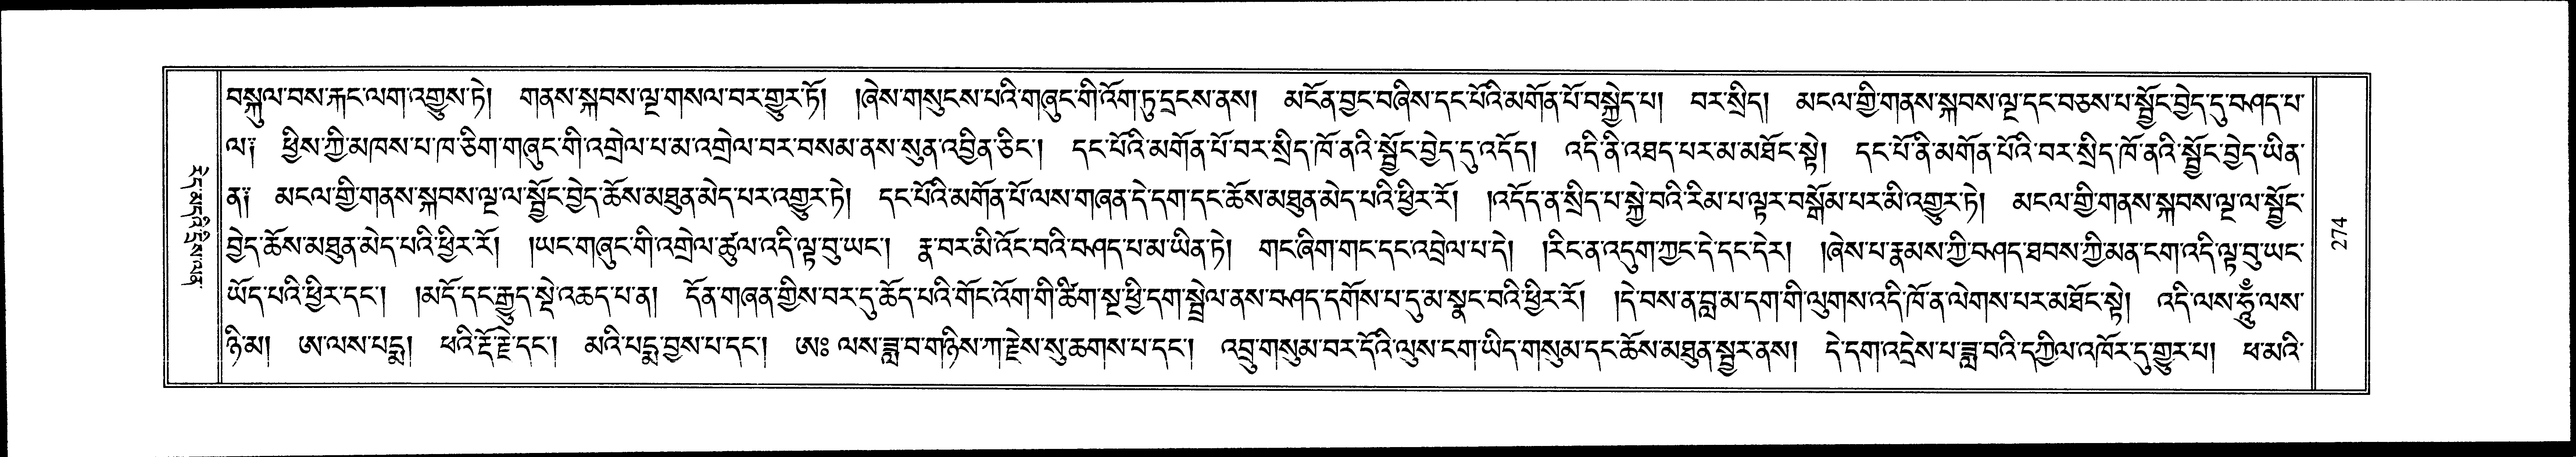བསྐུལ་བས་རྐང་ལག་འགྱུས་ཏེ། གནས་སྐབས་ལྔ་གསལ་བར་གྱུར་ཏོ། །ཞེས་གསུངས་པའི་གཞུང་གི་འོག་ཏུ་དྲངས་ནས། མངོན་བྱང་བཞིས་དང་པོའི་མགོན་པོ་བསྐྱེད་པ། བར་སྲིད། མངལ་གྱི་གནས་སྐབས་ལྔ་དང་བཅས་པ་སྦྱོང་བྱེད་དུ་བཤད་པ་
ལ། ཕྱིས་ཀྱི་མཁས་པ་ཁ་ཅིག་གཞུང་གི་འགྲེལ་པ་མ་འགྲེལ་བར་བསམ་ནས་སུན་འབྱིན་ཅིང་། དང་པོའི་མགོན་པོ་བར་སྲིད་ཁོ་ནའི་སྦྱོང་བྱེད་དུ་འདོད། འདི་ནི་འཐད་པར་མ་མཐོང་སྟེ། དང་པོ་ནི་མགོན་པོའི་བར་སྲིད་ཁོ་ནའི་སྦྱོང་བྱེད་ཡིན་
ན། མངལ་གྱི་གནས་སྐབས་ལྔ་ལ་སྦྱོང་བྱེད་ཆོས་མཐུན་མེད་པར་འགྱུར་ཏེ། དང་པོའི་མགོན་པོ་ལས་གཞན་དེ་དག་དང་ཆོས་མཐུན་མེད་པའི་ཕྱིར་རོ། །འདོད་ན་སྲིད་པ་སྐྱེ་བའི་རིམ་པ་ལྟར་བསྒོམ་པར་མི་འགྱུར་ཏེ། མངལ་གྱི་གནས་སྐབས་ལྔ་ལ་སྦྱོང་
བྱེད་ཆོས་མཐུན་མེད་པའི་ཕྱིར་རོ། །ཡང་གཞུང་གི་འགྲེལ་ཚུལ་འདི་ལྟ་བུ་ཡང་། རྣ་བར་མི་འོང་བའི་བཤད་པ་མ་ཡིན་ཏེ། གང་ཞིག་གང་དང་འབྲེལ་པ་དེ། །རིང་ན་འདུག་ཀྱང་དེ་དང་དེར། །ཞེས་པ་རྣམས་ཀྱི་བཤད་ཐབས་ཀྱི་མན་ངག་འདི་ལྟ་བུ་ཡང་
ཡོད་པའི་ཕྱིར་དང་། །མདོ་དང་རྒྱུད་སྡེ་འཆད་པ་ན། དོན་གཞན་གྱིས་བར་དུ་ཆོད་པའི་གོང་འོག་གི་ཚིག་སྔ་ཕྱི་དག་སྦྲེལ་ནས་བཤད་དགོས་པ་དུ་མ་སྣང་བའི་ཕྱིར་རོ། །དེ་བས་ན་བླ་མ་དག་གི་ལུགས་འདི་ཁོ་ན་ལེགས་པར་མཐོང་སྟེ། འདི་ལས་ཧཱུཾ་ལས་
ཉི་མ། ཨ་ལས་པདམ། ཕའི་རྡོ་རྗེ་དང་། མའི་པདམ་བྱས་པ་དང་། ཨཿ ལས་ཟླ་བ་གཉིས་ཀ་རྗེས་སུ་ཆགས་པ་དང་། འབྲུ་གསུམ་བར་དོའི་ལུས་ངག་ཡིད་གསུམ་དང་ཆོས་མཐུན་སྦྱར་ནས། དེ་དག་འདྲེས་པ་ཟླ་བའི་དཀྱིལ་འཁོར་དུ་གྱུར་པ། ཕ་མའི་